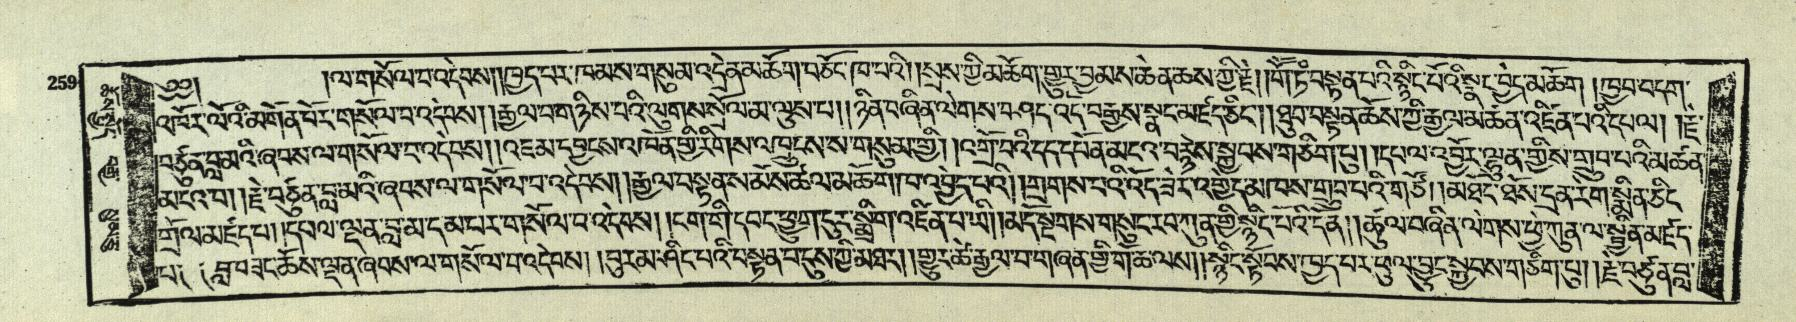༄༅། །ལ་གསོལ་བ་འདེབས། །ཁྱད་པར་ཁམས་གསུམ་འདྲེན་མཆོག་བཙོང་ཁ་པའི། །སྲས་ཀྱི་མཆོག་གྱུར་བྱམས་ཆེན་ཆས་ཀྱི་རྗེ། །གཽ་ཏཾ་བསྟན་པའི་སྙིང་པོའི་སྣང་བྱེད་མཆོག །ཁྱབ་བདག་
འཁོར་ལོའི་མགོན་པོར་གསོལ་བ་འདེབས། །རྒྱལ་བ་གཉིས་པའི་ལུགས་སྲོལ་མ་ལུས་པ། །ཉིན་བཞིན་ལེགས་བཤད་འོད་བརྒྱས་སྣང་མཛད་ཅིང་། །ཐུབ་བསྟན་ཆོས་ཀྱི་རྒྱལ་མཚན་འཛིན་པའི་དཔལ། །རྗེ་
བཙུན་བླ་མའི་ཞབས་ལ་གསོལ་བ་འདེབས། །འཇམ་དབྱངས་འཁོན་གྱི་རིགས་འཁྲུངས་ས་གསུམ་གྱི། །འགྲོ་བའི་དད་དཔོན་མངའ་བརྙེས་སྐྱབས་གཅིག་པུ། །དཔལ་འབྱོར་ལྷུན་གྱིས་གྲུབ་པའི་མཚན་
མངའ་བ། །རྗེ་བཙུན་བླ་མའི་ཞབས་ལ་གསོལ་བ་འདེབས། །རྒྱལ་བསྟན་ས་མོས་ཚལ་མཆོག་ཁ་འབྱེད་པའི། །གྲགས་པའི་འོད་ཟེར་འགྱེད་མཁས་གྲུབ་པའི་གཙོ། །མཐོང་ཐོས་དྲན་རེག་སྨིན་ཅིང་
གྲོལ་མཛད་པ། །དཔལ་ལྡན་བླ་མ་དམ་པར་གསོལ་བ་འདེབས། །ངག་གི་དབང་ཕྱུག་ངུར་སྨྲིག་འཛིན་པ་ཡི། །མདོ་སྔགས་གསུང་རབ་ཀུན་གྱི་སྙིང་པོའི་དོན། །ཚུལ་བཞིན་ལེགས་ཕྱེ་ཀུན་ལ་སྦྱིན་མཛད་
པ༑ ༑བླ་བཟང་ཆོས་ལྡན་ཞབས་ལ་གསོལ་བ་འདེབས། །བུར་མ་ཤིང་པའི་བསྟན་པ་དུས་ཀྱི་མཐར། །གྱུར་ཚེ་རྒྱལ་བ་གཞན་གྱི་གོ་ཆ་ལས། །སྙིང་སྟོབས་ཁྱད་པར་ཕུལ་བྱུང་སྐྱབས་གཅིག་པུ། །རྗེ་བཙུན་བླ་